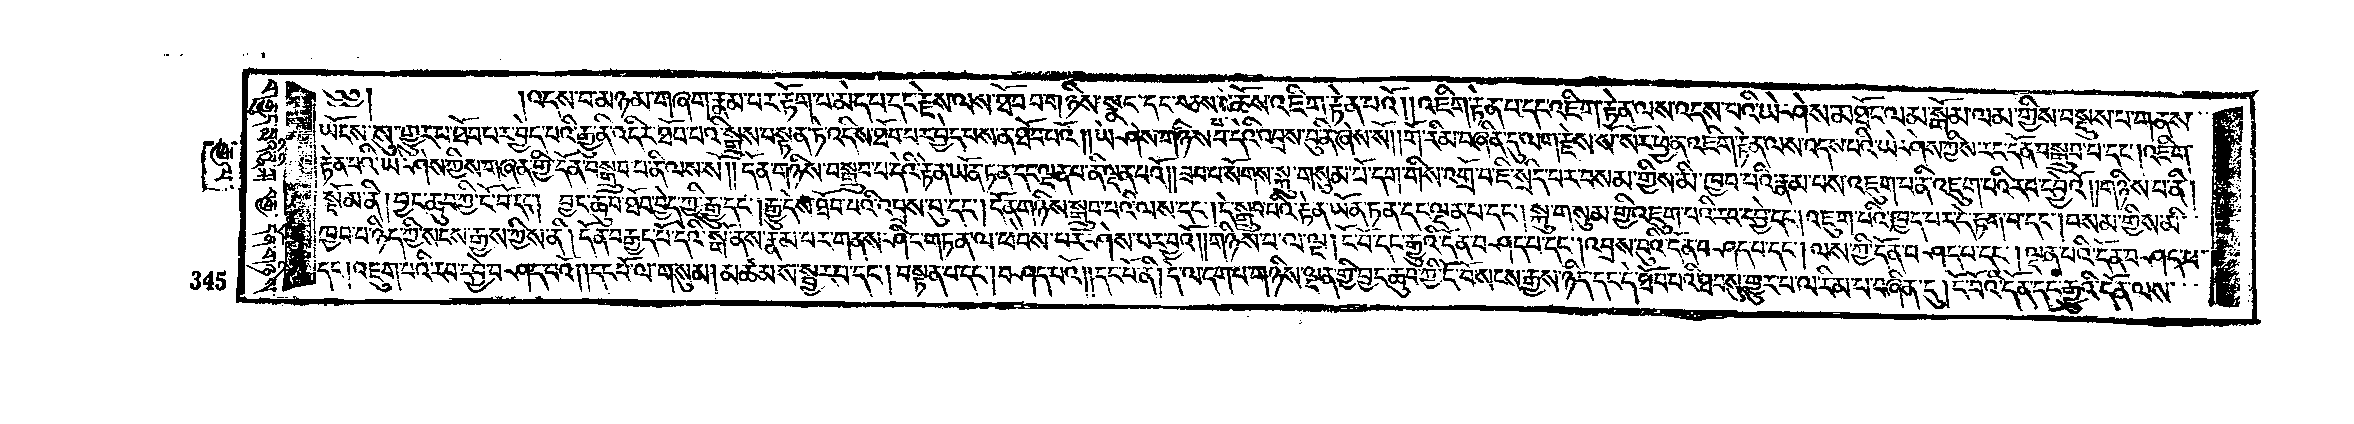༄༅། །འདས་པ་མཉམ་གཞག་རྣམ་པར་རྟོག་པ་མེད་པ་དང་རྗེས་ལས་ཐོབ་པ་གཉིས་སྣང་དང་བཅས་པ་ཆོས་འཇིག་རྟེན་པའོ། །འཇིག་རྟེན་པ་དང་འཇིག་རྟེན་ལས་འདས་པའི་ཡེ་ཤེས་མཐོང་ལམ་སྒོམ་ལམ་གྱིས་བསྡུས་པ་གནས་
ཡོངས་སུ་གྱུར་པ་ཐོབ་པར་བྱེད་པའི་རྒྱུ་ནི་འདིར་ཐོབ་པའི་སྒྲུས་བསྟན་ཏེ་འདིས་ཐོབ་པར་བྱེད་པས་ན་ཐོབ་པའོ། །ཡེ་ཤེས་གཉིས་པ་དེའི་འབྲས་བུ་ནི་ཞེས་སོ། །གོ་རིམ་བཞིན་དུ་ལག་རྗེས་སོ་སོར་ཕྱེ་ན་འཇིག་རྟེན་ལས་འདས་པའི་ཡེ་ཤེས་ཀྱིས་རང་དོན་བསྒྲུབ་པ་དང་། འཇིག་
རྟེན་པའི་ཡེ་ཤེས་ཀྱིས་གཞན་གྱི་དོན་བསྒྲུབ་པ་ནི་ལས་སོ། །དོན་གཉིས་བསྒྲུབ་པ་དེའི་རྟེན་ཡོན་ཏན་དང་ལྡན་པ་ནི་ལྡན་པའོ། །ཟབ་པ་སོགས་སྐུ་གསུམ་པོ་དག་གིས་འགྲོ་བ་ཇི་སྲིད་པར་བསམ་གྱིས་མི་ཁྱབ་པའི་རྣམ་པས་འཇུག་པ་ནི་འཇུག་པའི་རབ་དབྱེའོ། །གཉིས་པ་ནི།
སྡོམ་ནི། བྱང་ཆུབ་ཀྱི་ངོ་བོ་དང་། བྱང་ཆུབ་ཐོབ་བྱེད་ཀྱི་རྒྱུ་དང་། རྒྱུ་དེས་ཐོབ་པའི་འབྲས་བུ་དང་། དོན་གཉིས་སྒྲུབ་པའི་ལས་དང་། དེ་སྒྲུབ་པའི་རྟེན་ཡོན་ཏན་དང་ལྡན་པ་དང་། སྐུ་གསུམ་གྱི་འཇུག་པའི་རབ་དབྱེ་དང་། འཇུག་པའི་ཁྱད་པར་དེ་རྟག་པ་དང་། བསམ་གྱིས་མི་
ཁྱབ་པ་ཉིད་ཀྱི་སངས་རྒྱས་ཀྱིས་ནི། དོན་བརྒྱད་པོ་དེའི་སྒོ་ནས་རྣམ་པར་གནས་ཤིང་གཏན་ལ་ཕེབས་པར་ཤེས་པར་བྱའོ། །གཉིས་པ་ལ་ལྔ། ངོ་བོ་དང་རྒྱུའི་དོན་བཤད་པ་དང་། འབྲས་བུའི་དོན་བཤད་པ་དང་། ལས་ཀྱི་དོན་བཤད་པ་དང་། ལྡན་པའི་དོན་བཤད་པ་
དང༑ འཇུག་པའི་རབ་དབྱེ་བཤད་པའོ། །དང་པོ་ལ་གསུམ། མཚམས་སྦྱར་བ་དང་། བསྟན་པ་དང་། བཤད་པའོ། །དང་པོ་ནི། དེ་ལ་དག་པ་གཉིས་ལྡན་གྱི་བྱང་ཆུབ་ཀྱི་ངོ་བོ་སངས་རྒྱས་ཉིད་དང་དེ་ཐོབ་པའི་ཐབས་སུ་གྱུར་པ་ལ་རིམ་པ་བཞིན་དུ། ངོ་བོའི་དོན་དང་རྒྱུའི་དོན་ལས་